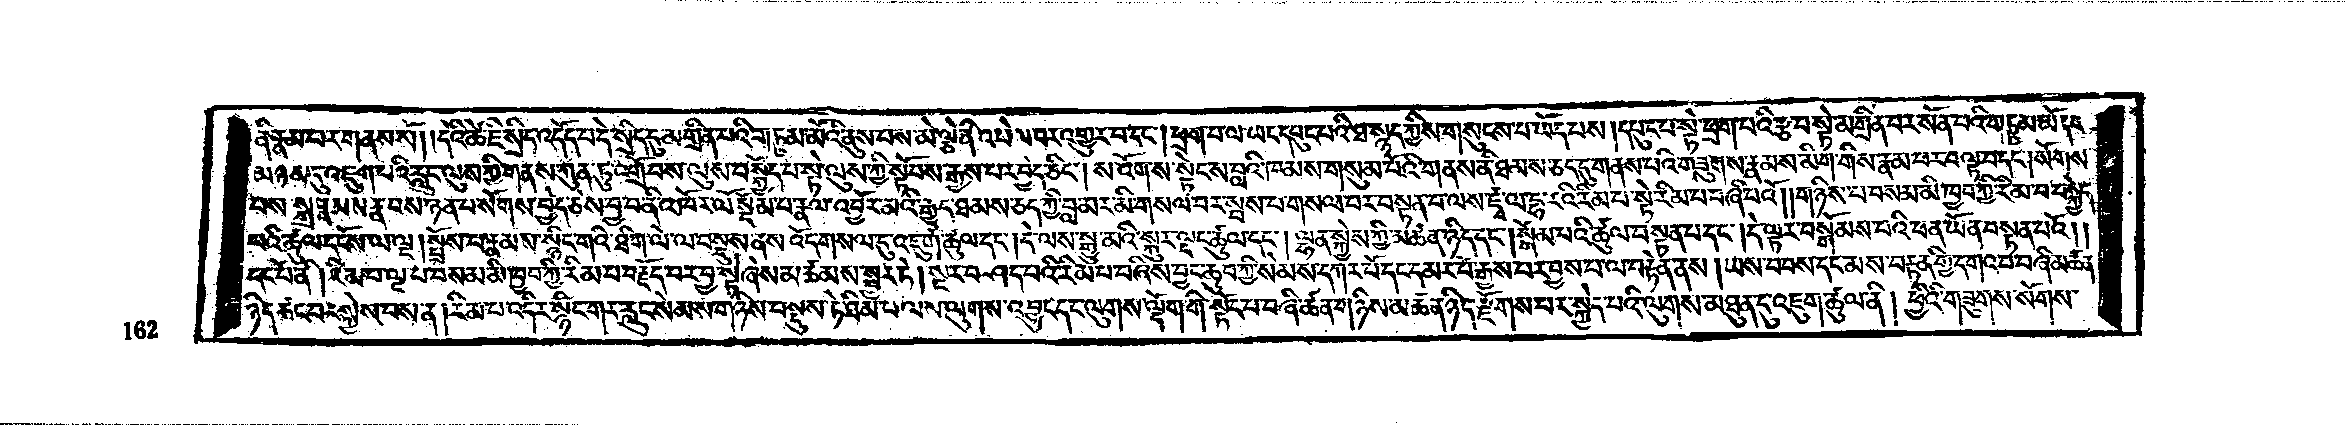ནི་རྣམ་པར་གནས་སོ། །དེའི་ཚེ་ཇི་སྲིད་འདོད་པ་དེ་སྲིད་དུ་མགྲིན་པའི་གཏུམ་མོའི་ནུས་པས་མེ་ལྕེ་ནི་འཕེལ་བར་འགྱུར་བ་དང་། ཕྲག་པ་ལ་ཡང་དཔུང་པའི་ཐ་སྙད་ཀྱིས་གསུངས་པ་ཡོད་པས། དཔུང་པ་སྟེ་ཕྲག་པའི་རྩ་བ་སྟེ་མགྲིན་པར་སོན་པའི་གཏུམ་མོ་དང་
མཉམ་དུ་འཇུག་པའི་རླུང་ལུས་ཀྱི་གནས་ཀུན་ཏུ་འགྲོ་བས་ལུས་བསྐྱོད་པ་སྟེ་ལུས་ཀྱི་སྟོབས་རྒྱས་པར་བྱེད་ཅིང་། ས་འོག་ས་སྟེང་ས་བླའི་ཁམས་གསུམ་པོའི་གནས་ནི་ཐམས་ཅད་དུ་གནས་པའི་གཟུགས་རྣམས་མིག་གིས་རྣམ་པར་བལྟ་བ་དང་། སོགས་
པས་སྒྲ་རྣམས་རྣ་བས་ཉན་པ་སོགས་བྱེད་ཅེས་བྱ་བ་ནི་འཁོར་ལོ་སྡོམ་པ་རྣལ་འབྱོར་མའི་རྒྱུད་ཐམས་ཅད་ཀྱི་བླ་མར་མི་གསལ་བར་སྦས་པ་གསལ་བར་བསྟན་པ་ལས་ཛྭ་ལ་དྷ་རའི་རིམ་པ་སྟེ་རིམ་པ་བཞི་པའོ། །གཉིས་པ་བསམ་མི་ཁྱབ་ཀྱི་རིམ་པ་བསྐྱེད་
པའི་ཚུལ་དངོས་ལ་ལྔ། སྤྲོས་པ་རྣམས་སྙིང་གའི་ཐིག་ལེ་ལ་བསྡུས་ནས་འོད་གསལ་དུ་འཇུག་ཚུལ་དང་། དེ་ལས་སྒྱུ་མའི་སྐུར་ལྡང་ཚུལ་དང་། ལྷན་སྐྱེས་ཀྱི་མཚན་ཉིད་དང་། སྒོམ་པའི་ཚུལ་བསྟན་པ་དང་། དེ་ལྟར་བསྒོམས་པའི་ཕན་ཡོན་བསྟན་པའོ། །
དང་པོ་ནི། རིམ་པ་ལྔ་པ་བསམ་མི་ཁྱབ་ཀྱི་རིམ་པ་བརྗོད་པར་བྱ་སྟེ་ཞེས་མཚམས་སྦྱར་ཏེ། སྔར་བཤད་པའི་རིམ་པ་བཞིས་བྱང་ཆུབ་ཀྱི་སེམས་དཀར་པོ་དང་དམར་པོ་རྒྱས་པར་བྱས་པ་ལ་བརྟེན་ནས། ཡས་བབས་དང་མས་བརྟན་གྱི་དགའ་བ་བཞི་མཚན་
ཉིད་ཚང་བར་སྐྱེས་པས་ན། རིམ་པ་འདིར་སྙིང་གར་རླུང་སེམས་གཉིས་བསྡུས་ཏེ་ཐིམ་པ་ལས་ལུགས་འབྱུང་དང་ལུགས་ལྡོག་གི་སྟོང་པ་བཞི་ཚན་གཉིས་མཚན་ཉིད་རྫོགས་པར་སྐྱེད་པའི་ལུགས་མཐུན་དུ་འཇུག་ཚུལ་ནི། ཕྱིའི་གཟུགས་སོགས་